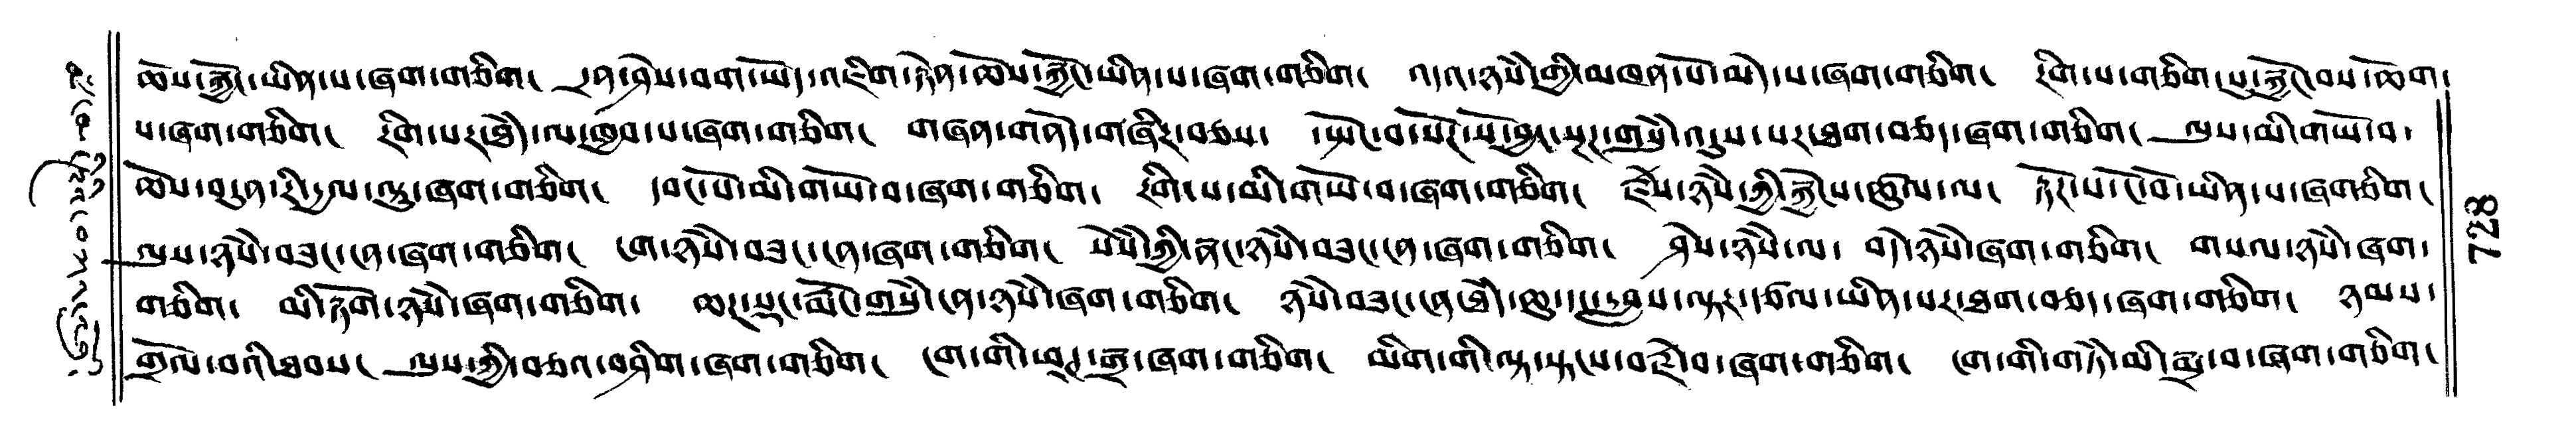ཆོས་སྐྱོང་ཡིན་པ་ཞག་གཅིག དྲན་ཤེས་བག་ཡོད་འཇིག་རྟེན་ཆོས་སྐྱོང་ཡིན་པ་ཞག་གཅིག འདས་ཉམས་གྱི་མཁན་པོ་མེད་པ་ཞག་གཅིག རིག་པ་གཅིག་པུ་སྐྱངས་བས་ཆོག་
པ་ཞག་གཅིག རིག་པས་ཐམས་ཅད་ལ་ཁྱབ་པ་ཞག་གཅིག གཞན་གནོད་གཞིར་བཅས་སྤོང་བ་སོགས་སོ་བྱང་སྔགས་གསུམ་འདུས་པར་ཐག་བཅད་ཞག་གཅིག ལུས་མི་གཡོ་བ་
ཆོས་བདུན་རི་རྒྱལ་ལྟ་བུ་ཞག་གཅིག དབང་པོ་མི་གཡོ་བ་ཞག་གཅིག རིག་པ་མི་གཡོ་བ་ཞག་གཅིག རྗེས་ཉམས་ཀྱི་སྐྱོང་ཚུལ་ལ། རྟོགས་པ་ངོ་བོ་ཡིན་པ་ཞག་གཅིག
་ལུས་ཉམས་བཟང་ངན་ཞག་གཅིག ངག་ཉམས་བཟང་ངན་ཞག་གཅིག སེམས་ཀྱི་སྣང་ཉམས་བཟང་ངན་ཞག་གཅིག ཤེས་ཉམས་ལ། བདེ་ཉམས་ཞག་གཅིག གསལ་ཉམས་ཞག་
གཅིག མི་རྟོག་ཉམས་ཞག་གཅིག ཆགས་སྡང་རྨོངས་གསུམ་ངན་ཉམས་ཞག་གཅིག ཉམས་བཟང་ངན་ཐམས་ཅད་ཆུ་དང་རླབས་ལྟར་རྩལ་ཡིན་པར་ཐག་བཅད་ཞག་གཅིག ཉམས་
གྲོལ་བའི་ཐབས་ལུས་ཀྱི་བཅའ་བཤིག་ཞག་གཅིག ངག་གི་ཕཊ་སྒྲ་ཞག་གཅིག མིག་གི་ལྟ་སྟངས་བརྗེ་བ་ཞག་གཅིག ངག་གི་གཏམ་མི་སྨྲ་བ་ཞག་གཅིག